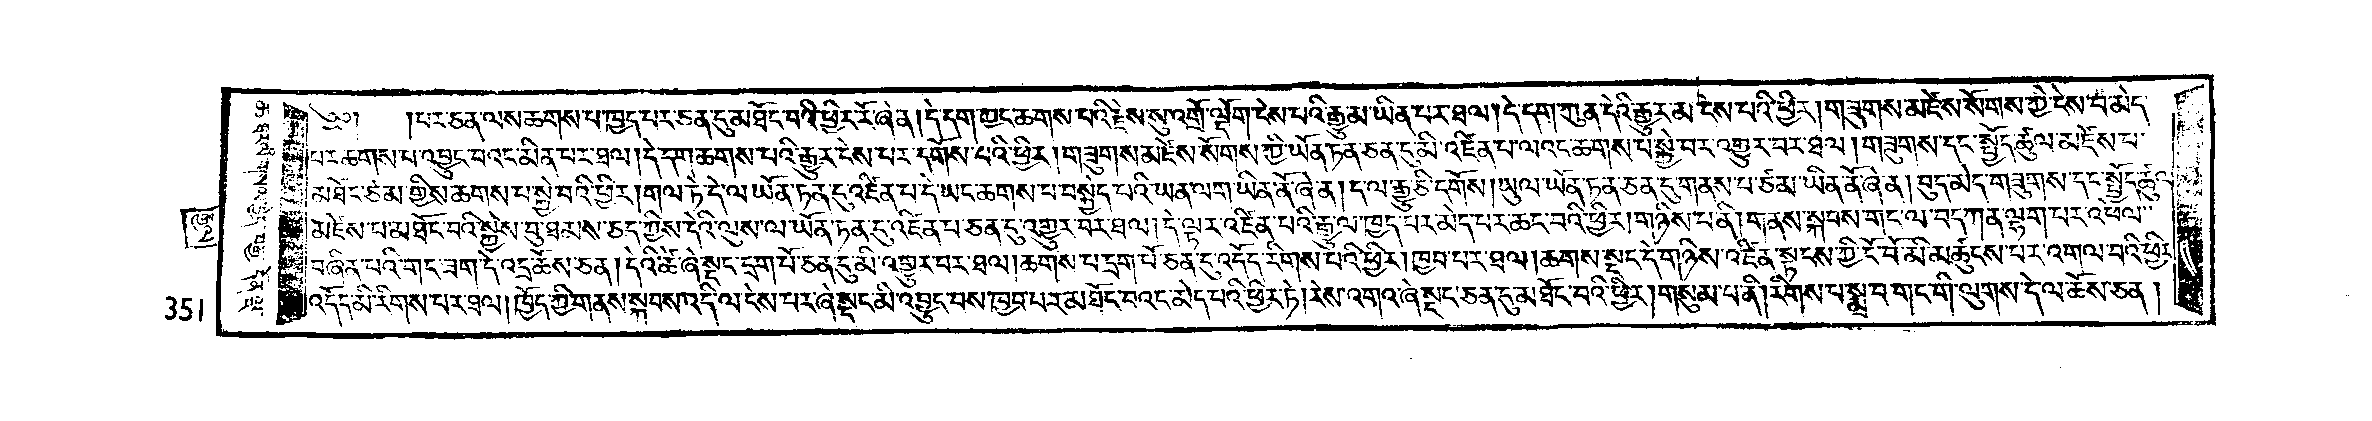༄༅། །པར་ཅན་ལས་ཆགས་པ་ཁྱད་པར་ཅན་དུ་མཐོང་བའི་ཕྱིར་རོ་ཞེ་ན། དེ་དག་ཀྱང་ཆགས་པའི་རྗེས་སུ་འགྲོ་ལྡོག་ངེས་པའི་རྒྱུ་མ་ཡིན་པར་ཐལ། དེ་དག་ཀུན་དེའི་རྒྱུར་མ་ངེས་པའི་ཕྱིར། གཟུགས་མཛེས་སོགས་ཀྱི་ངེས་པ་མེད་
པར་ཆགས་པ་འབྱུང་བའང་མིན་པར་ཐལ། དེ་དག་ཆགས་པའི་རྒྱུར་ངེས་པར་དགོས་པའི་ཕྱིར། གཟུགས་མཛེས་སོགས་ཀྱི་ཡོན་ཏན་ཅན་དུ་མི་འཛིན་པ་ལའང་ཆགས་པ་སྐྱེ་བར་འགྱུར་བར་ཐལ། གཟུགས་དང་སྤྱོད་ཚུལ་མཛེས་པ་
མཐོང་ཙམ་གྱིས་ཆགས་པ་སྐྱེ་བའི་ཕྱིར། གལ་ཏེ་དེ་ལ་ཡོན་ཏན་དུ་འཛིན་པ་དེ་ཡང་ཆགས་པ་བསྐྱེད་པའི་ཡན་ལག་ཡིན་ནོ་ཞེ་ན། དེ་ལ་རྒྱུ་ཅི་དགོས། ཡུལ་ཡོན་ཏན་ཅན་དུ་གནས་པ་ཙམ་ཡིན་ནོ་ཞེ་ན། བུད་མེད་གཟུགས་དང་སྤྱོད་ཚུལ་
མཛེས་པ་མཐོང་བའི་སྐྱེས་བུ་ཐམས་ཅད་ཀྱིས་དེའི་ལུས་ལ་ཡོན་ཏན་དུ་འཛིན་པ་ཅན་དུ་འགྱུར་བར་ཐལ། དེ་ལྟར་འཛིན་པའི་རྒྱུ་ལ་ཁྱད་པར་མེད་པར་ཆད་བའི་ཕྱིར། གཉིས་པ་ནི། གནས་སྐབས་གང་ལ་བད་ཀན་ལྷག་པར་འཕེལ་
བཞིན་པའི་གང་ཟག་དེ་འདྲ་ཆོས་ཅན། དེའི་ཚེ་ཞེ་སྡང་དྲག་པོ་ཅན་དུ་མི་འགྱུར་བར་ཐལ། ཆགས་པ་དྲག་པོ་ཅན་དུ་འདོད་རིགས་པའི་ཕྱིར། ཁྱབ་པར་ཐལ། ཆགས་སྡང་དེ་གཉིས་འཛིན་སྟངས་ཀྱི་ངོ་བོ་མི་མཚུངས་པར་འགལ་བའི་ཕྱིར་
འདོད་མི་རིགས་པར་ཐལ། ཁྱོད་ཀྱི་གནས་སྐབས་འདི་ལ་ངེས་པར་ཞེ་སྡང་མི་འབྱུང་བས་ཁྱབ་པར་མཐོང་བའང་མེད་པའི་ཕྱིར་ཏེ། རེས་འགའ་ཞེ་སྡང་ཅན་དུ་མཐོང་བའི་ཕྱིར། གསུམ་པ་ནི། རིགས་པ་སྨྲ་བ་གང་གི་ལུགས་དེ་ལ་ཆོས་ཅན།